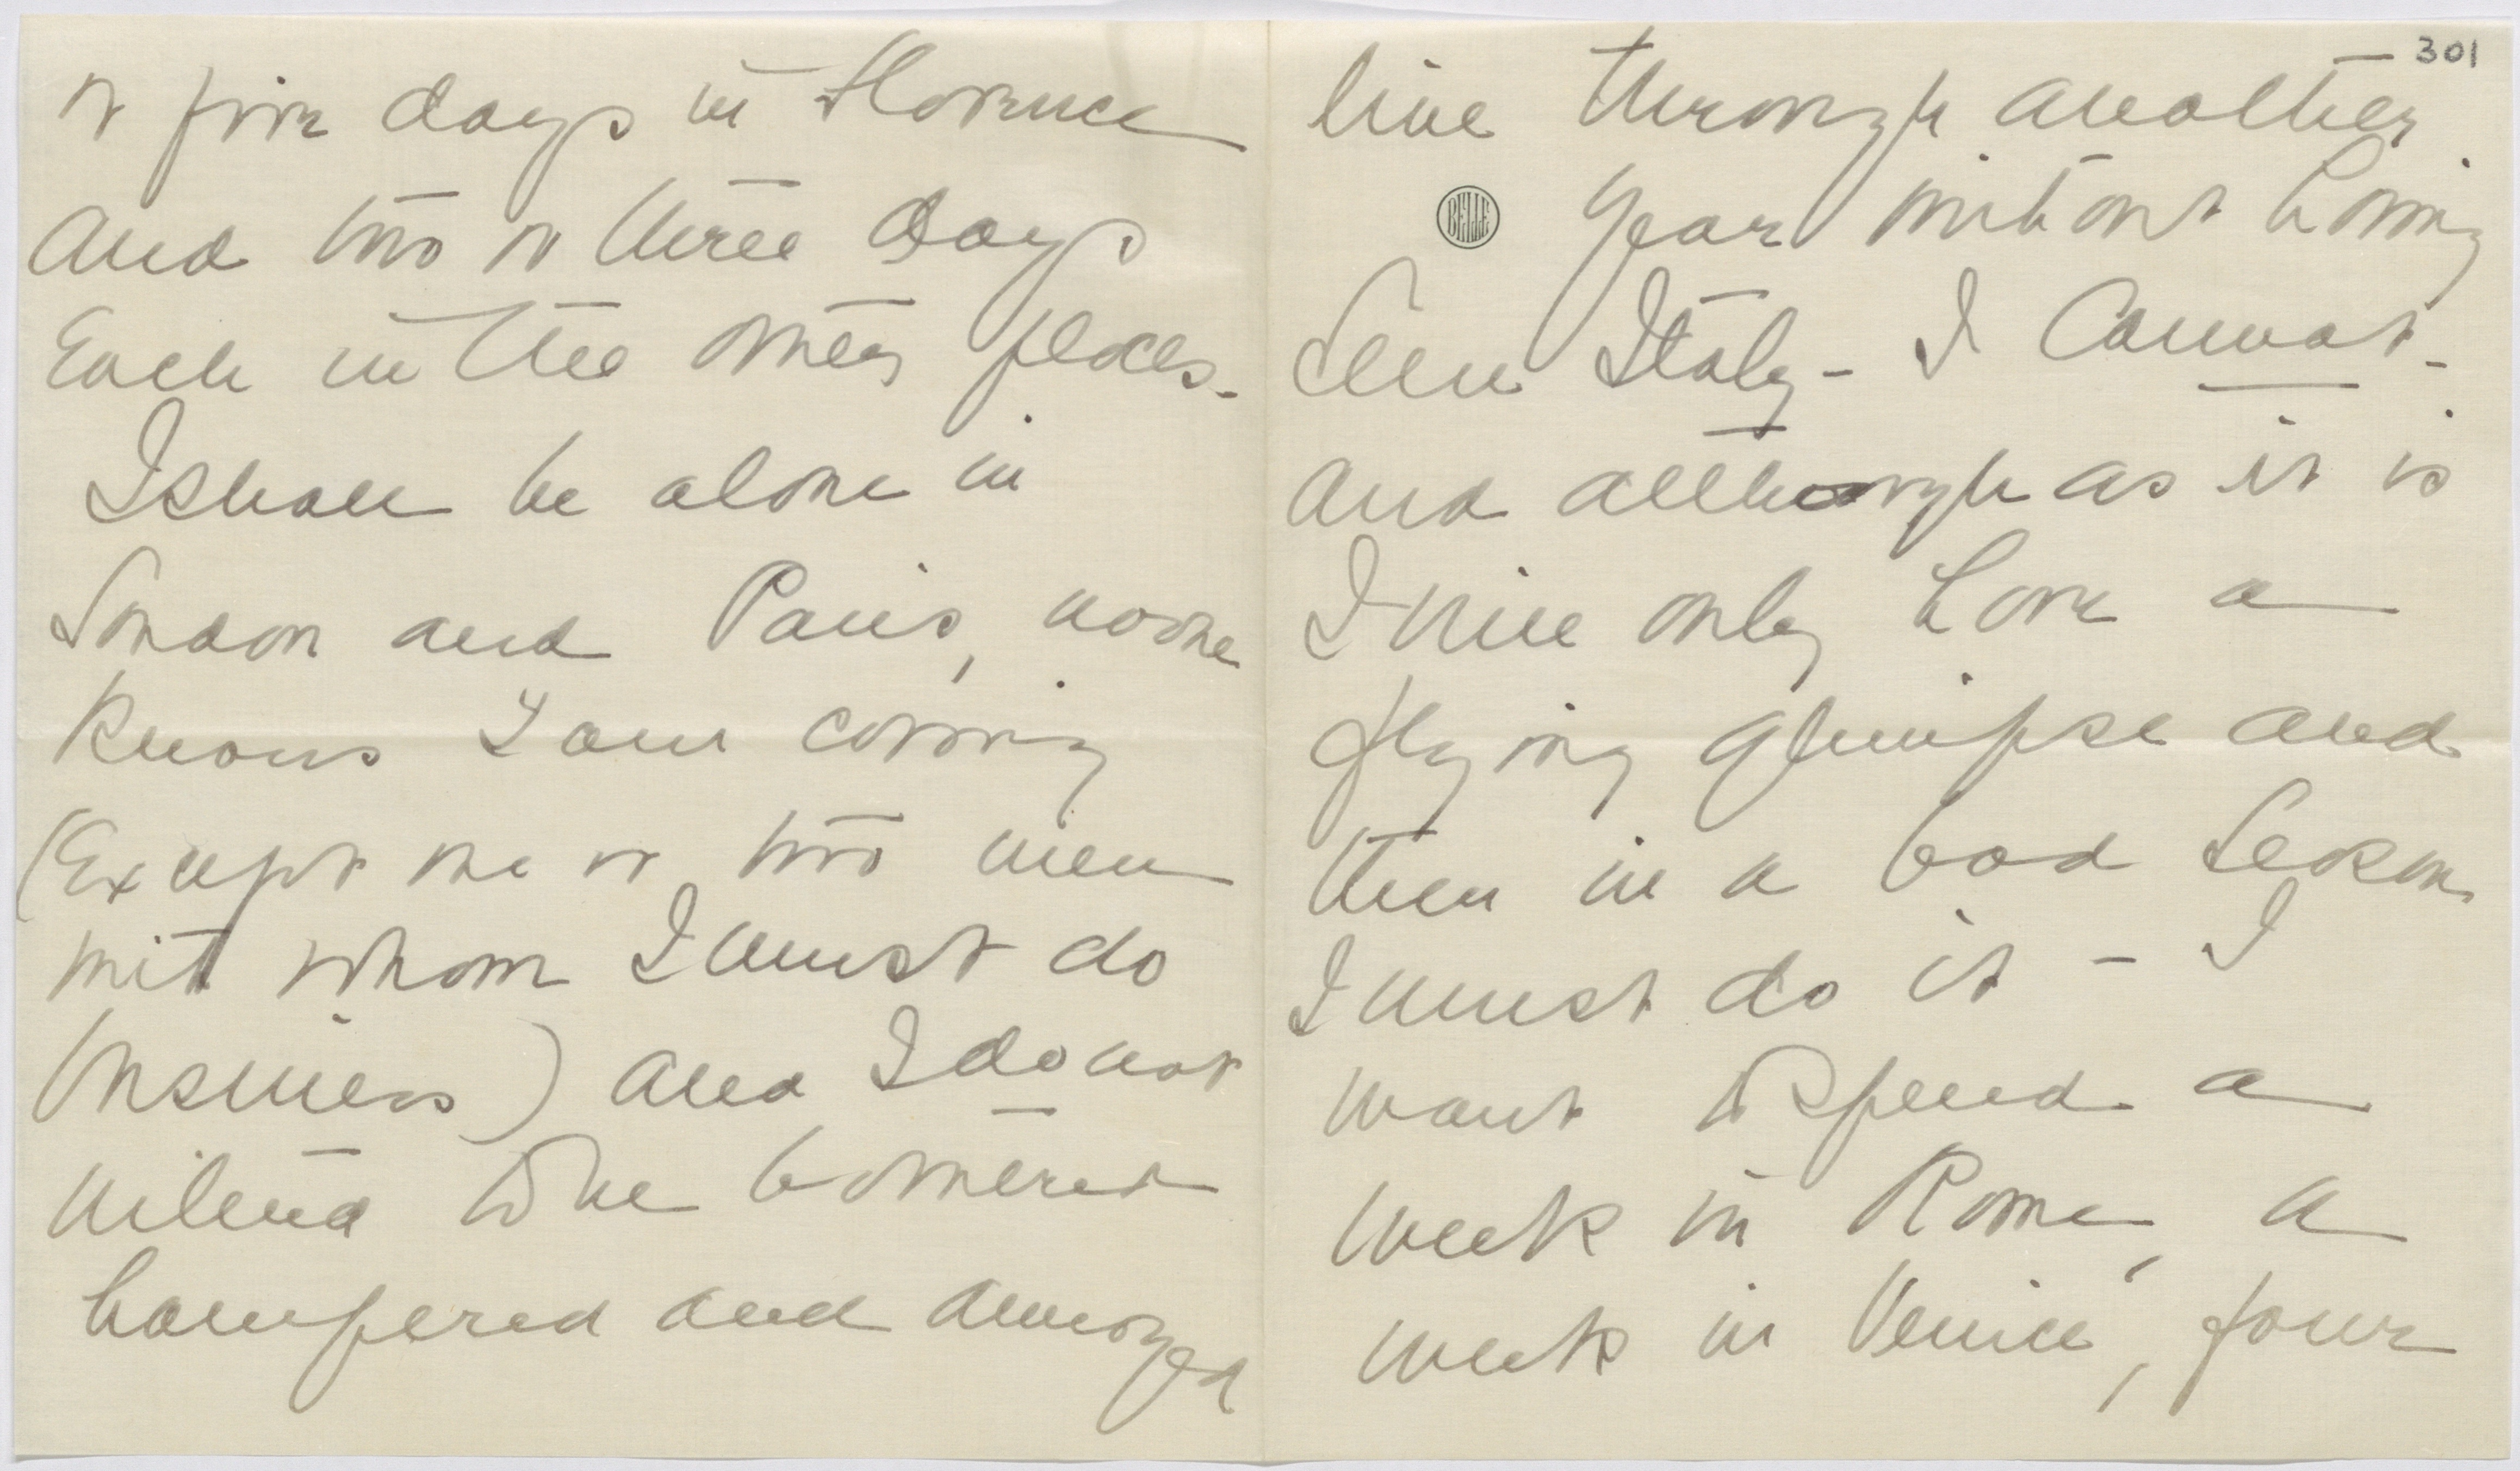live through another year without having seen Italy – I cannot and although as it is I will only have a flying glimpse and then in a bad season I must do it – I want to spend a week in Rome, a week in Venice, four
or five days in Florence and two or three days each in the other places. I shall be alone in London and Paris, no one knows I am coming (except one or two men with whom I must do business) and I do not intend to be bothered hampered and annoyed